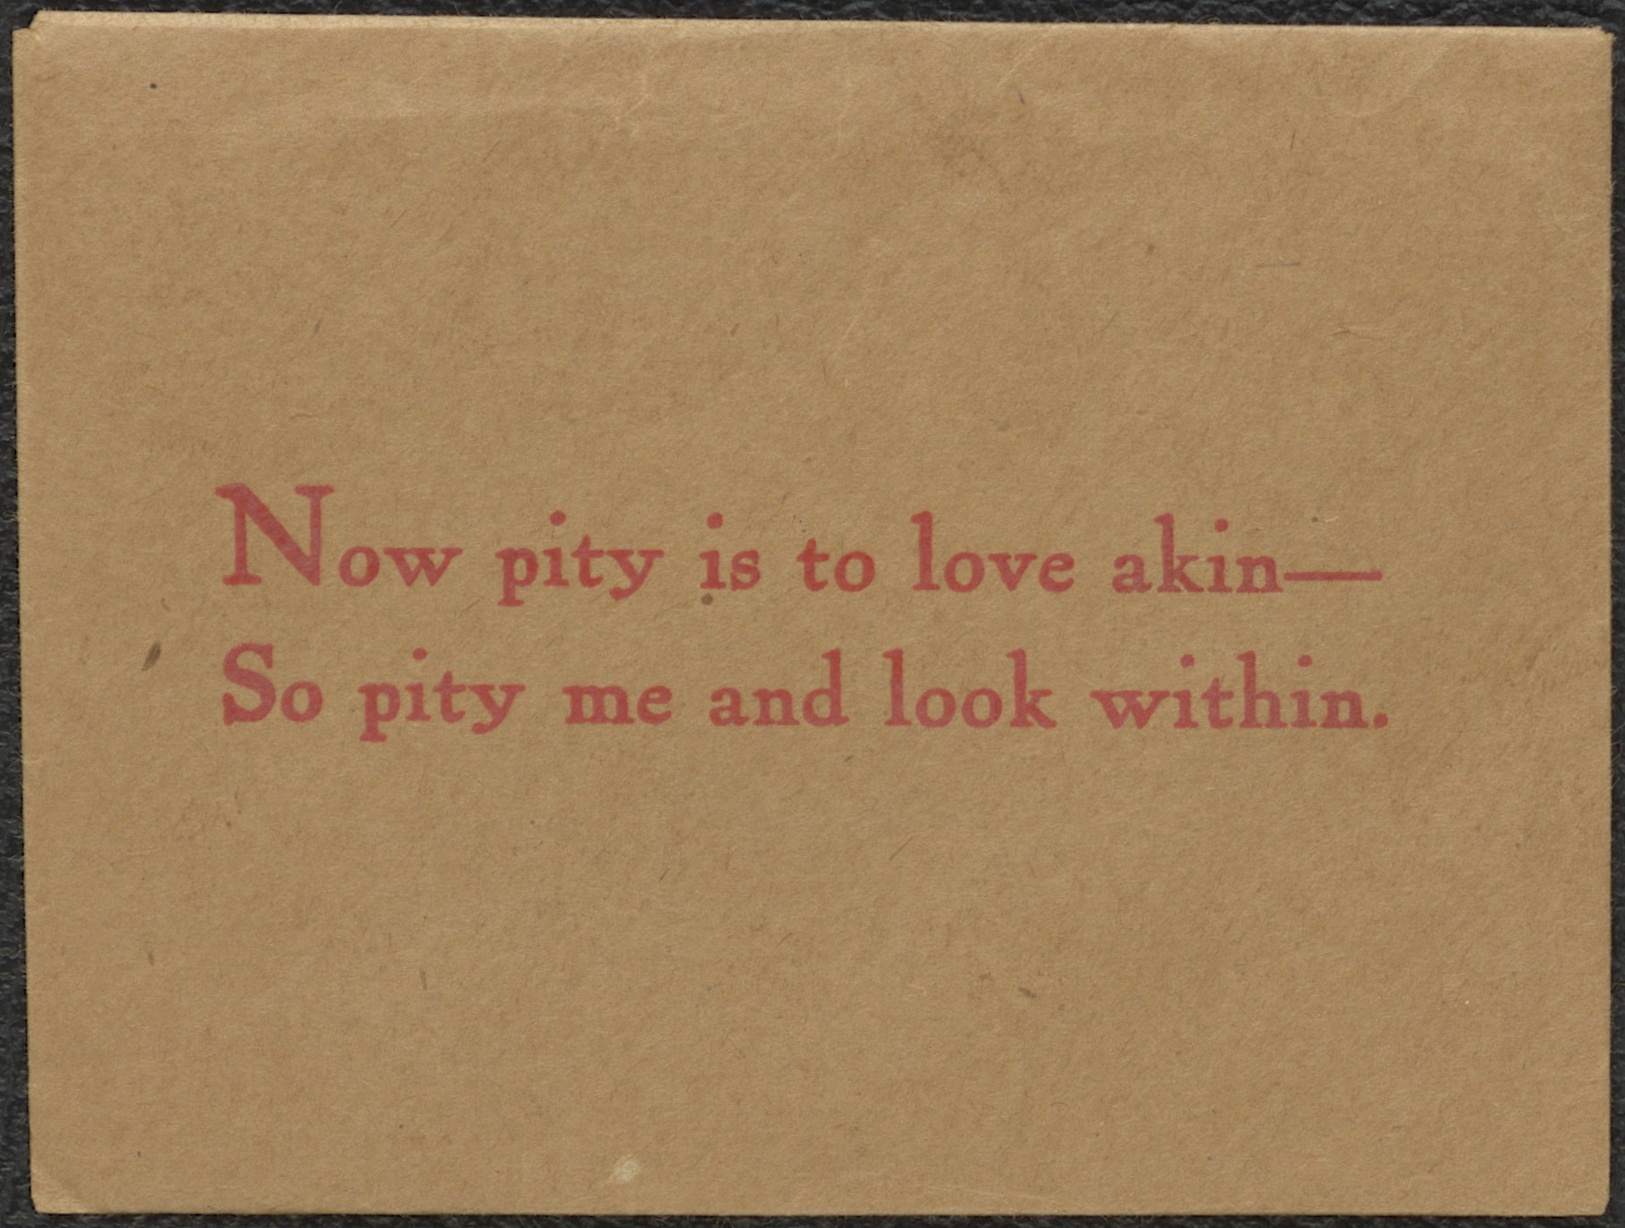[3]
Now pity is to love akin—
So pity me and look within